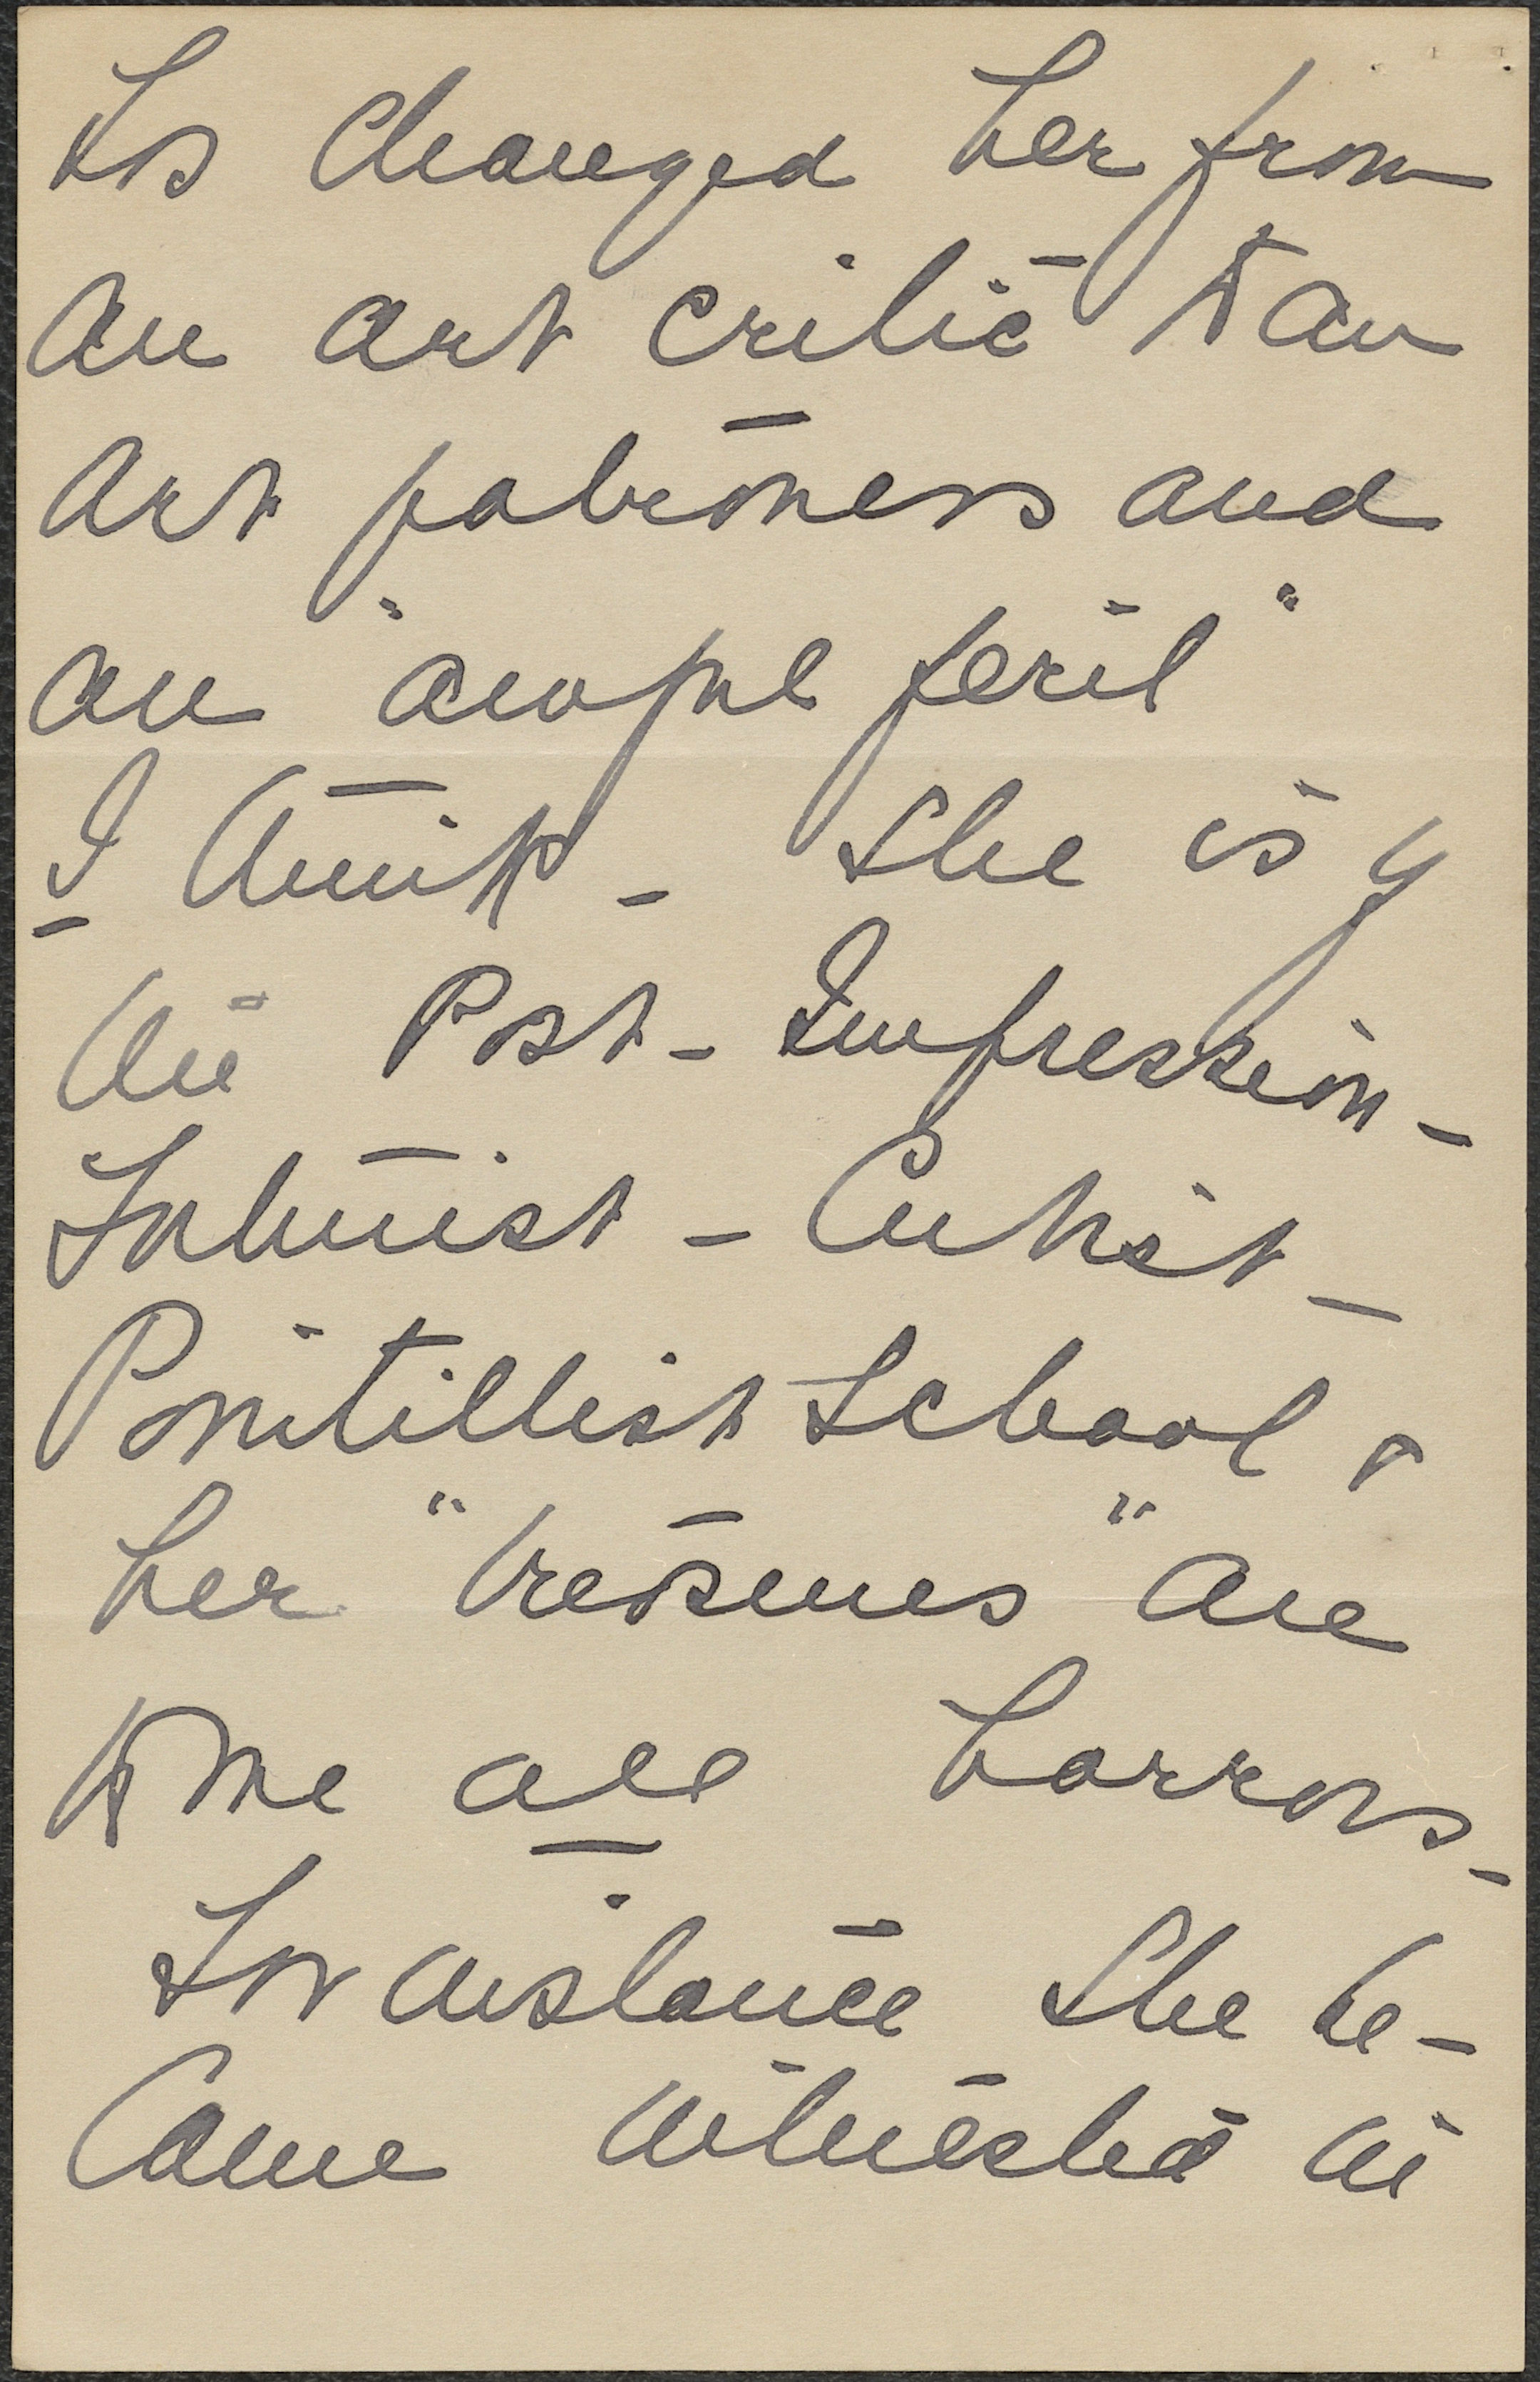has changed her from an art critic to an art patroness and an “awful peril” I think – she is of the Post-Impression-Futurist-Cubist-Pointillist School & her “treasures” are to me all horrors –
For instance she became interested in